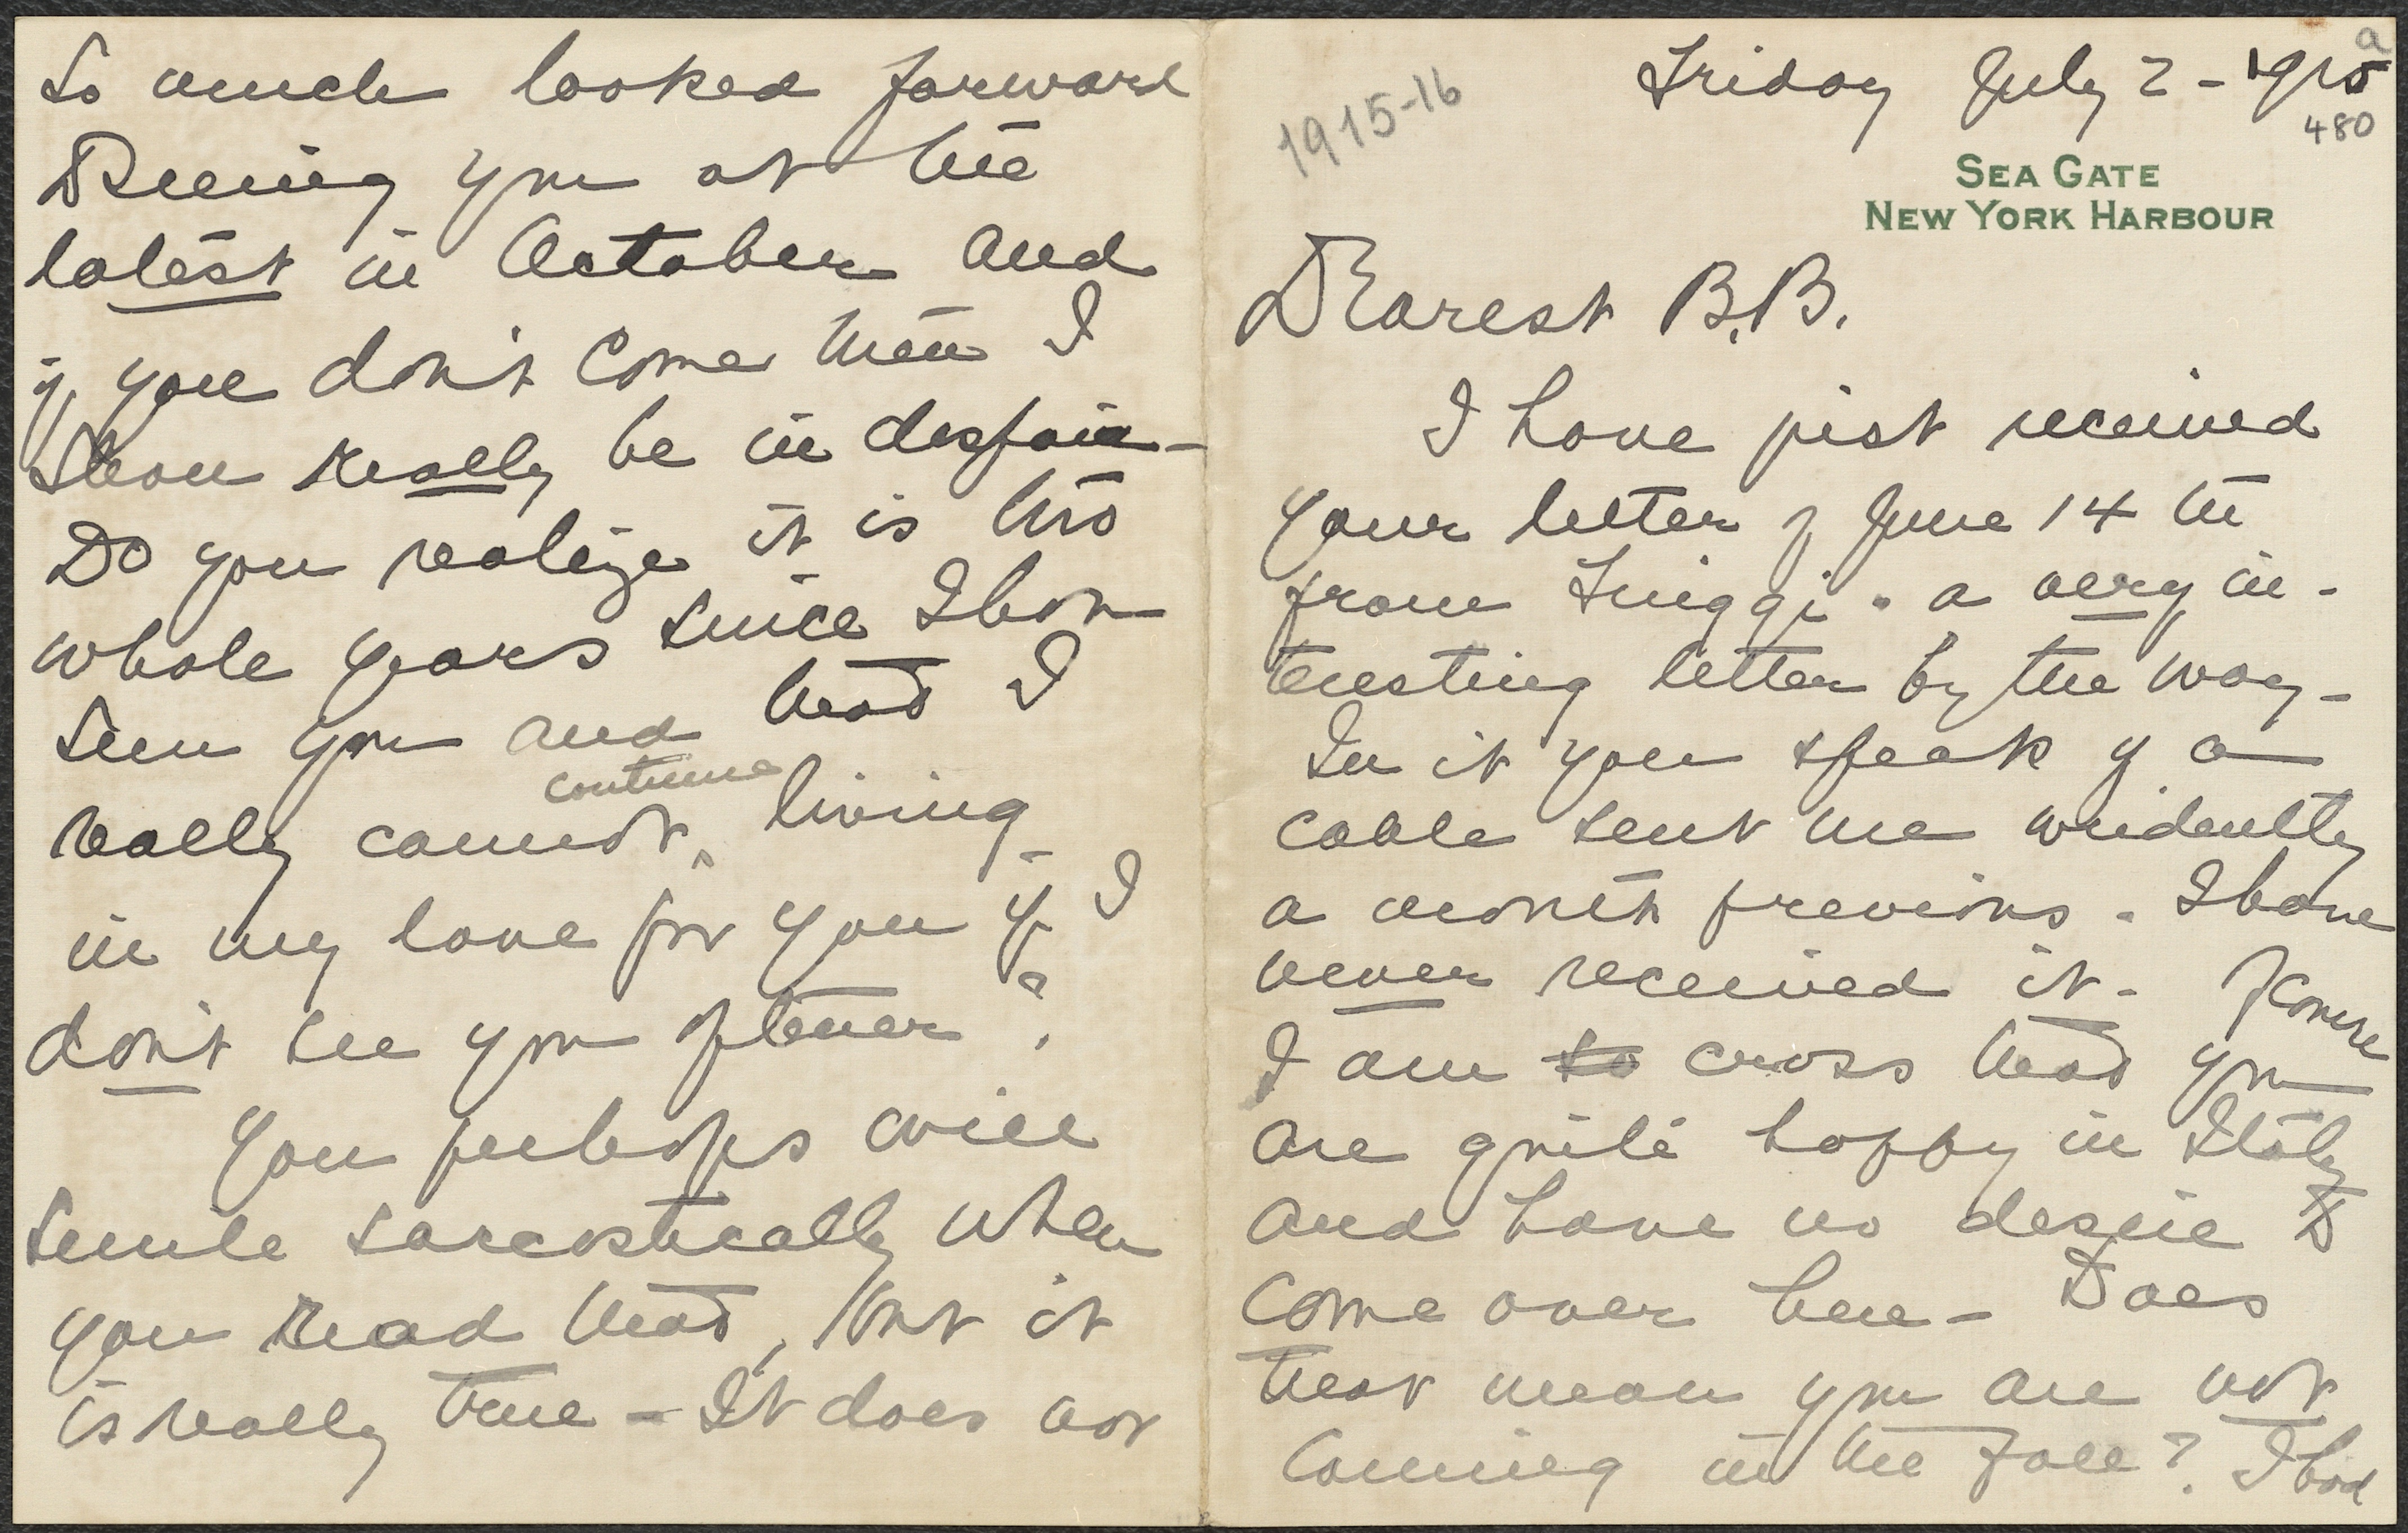Friday, July 2 – 1915
Dearest B. B.
I have just received your letter of June 14th from Fiuggi – a very interesting letter by the way – In it you speak of a cable sent me evidently a month previous – I have never received it – of course I am so cross that you are quite happy in Italy and have no desire to come over here – Does that mean you are not coming in the fall? I had
so much looked forward to seeing you at the latest in October and if you don’t come then I shall really be in despair – Do you realize it is two whole years since I have seen you and that I really cannot [inserted: continue] living in my love for you if I don’t see you oftener?
You perhaps will smile sarcastically when you read that, but it is really true – It does not